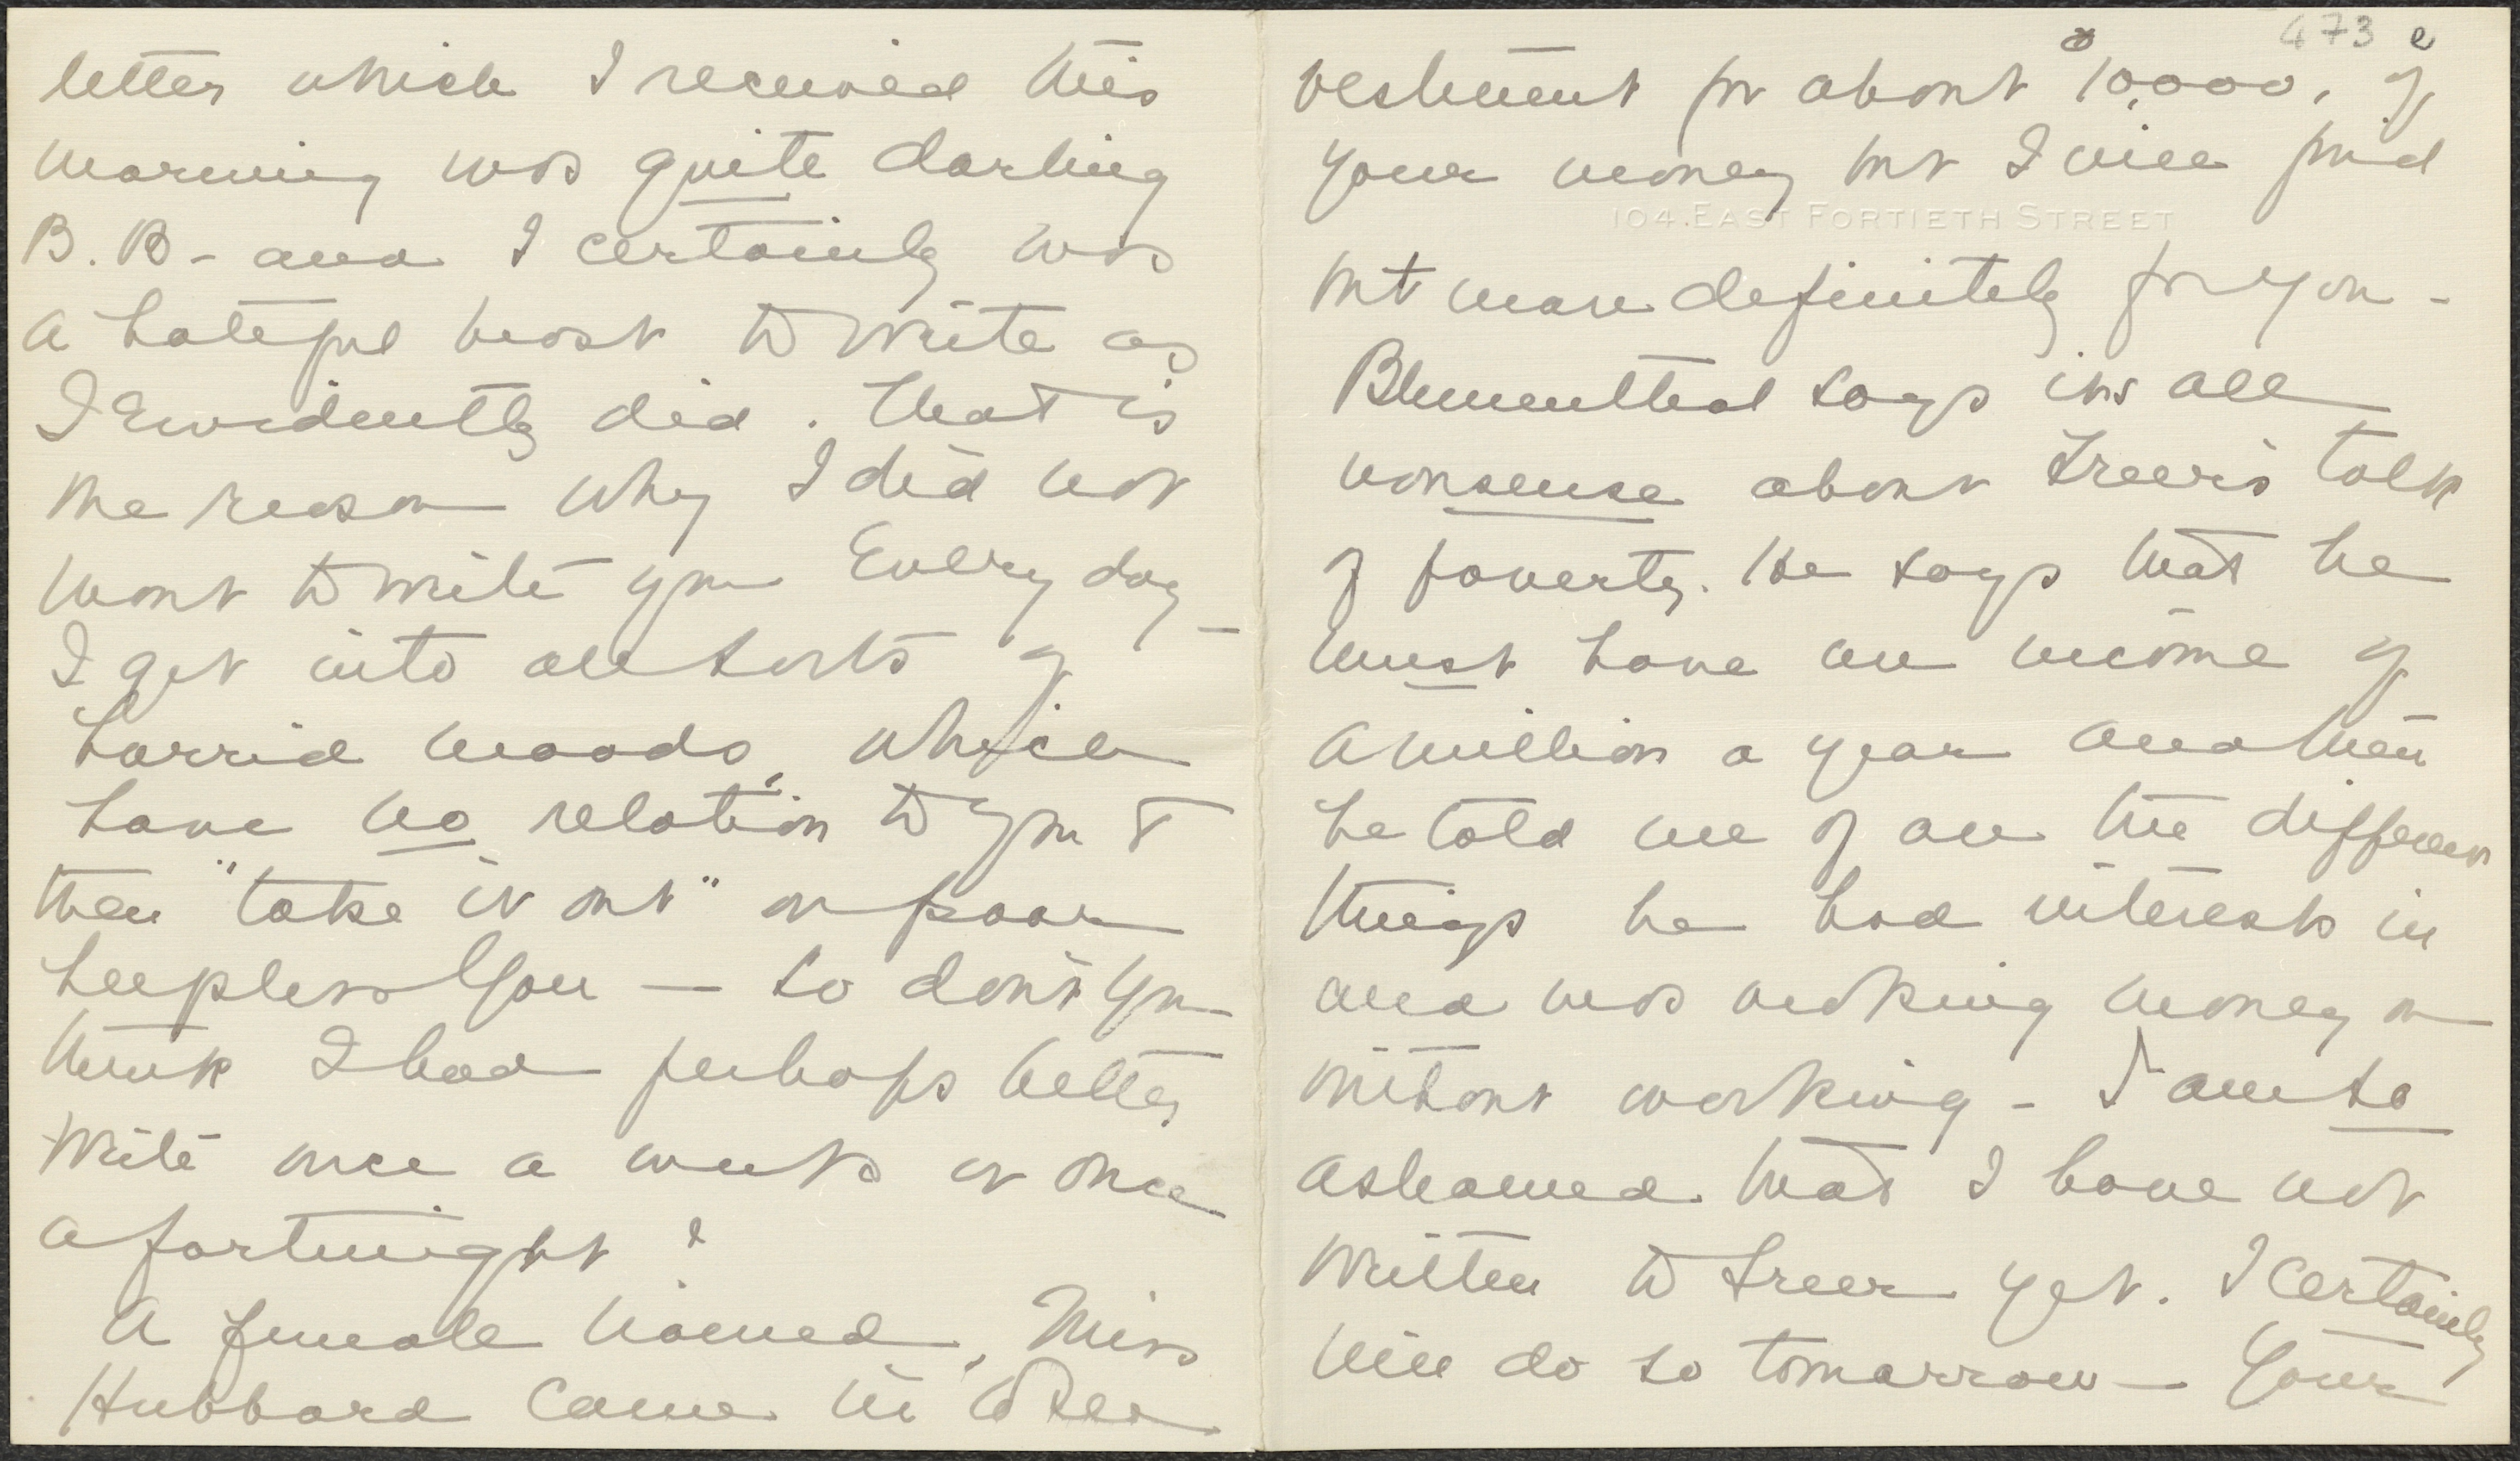vestment for about $10,000, of your money but I will find out more definitely for you –
Blumenthal says its [sic] all nonsense about Freer’s talk of poverty. He says that he must have an income of a million a year and then he told me of all the different things he had interests in and was making money on without working – I am so ashamed that I have not written to Freer yet. I certainly will do so tomorrow – Your
letter which I received this morning was quite darling B.B. – and I certainly was a hateful beast to write as I evidently did. That is the reason why I did not want to write you everyday – I get into all sorts of horrid moods, which have no relation to you & then “take it out” on poor helpless You – so don’t you think I had perhaps better write once a week or once a fortnight?
A female named, Miss Hubbard came in to see